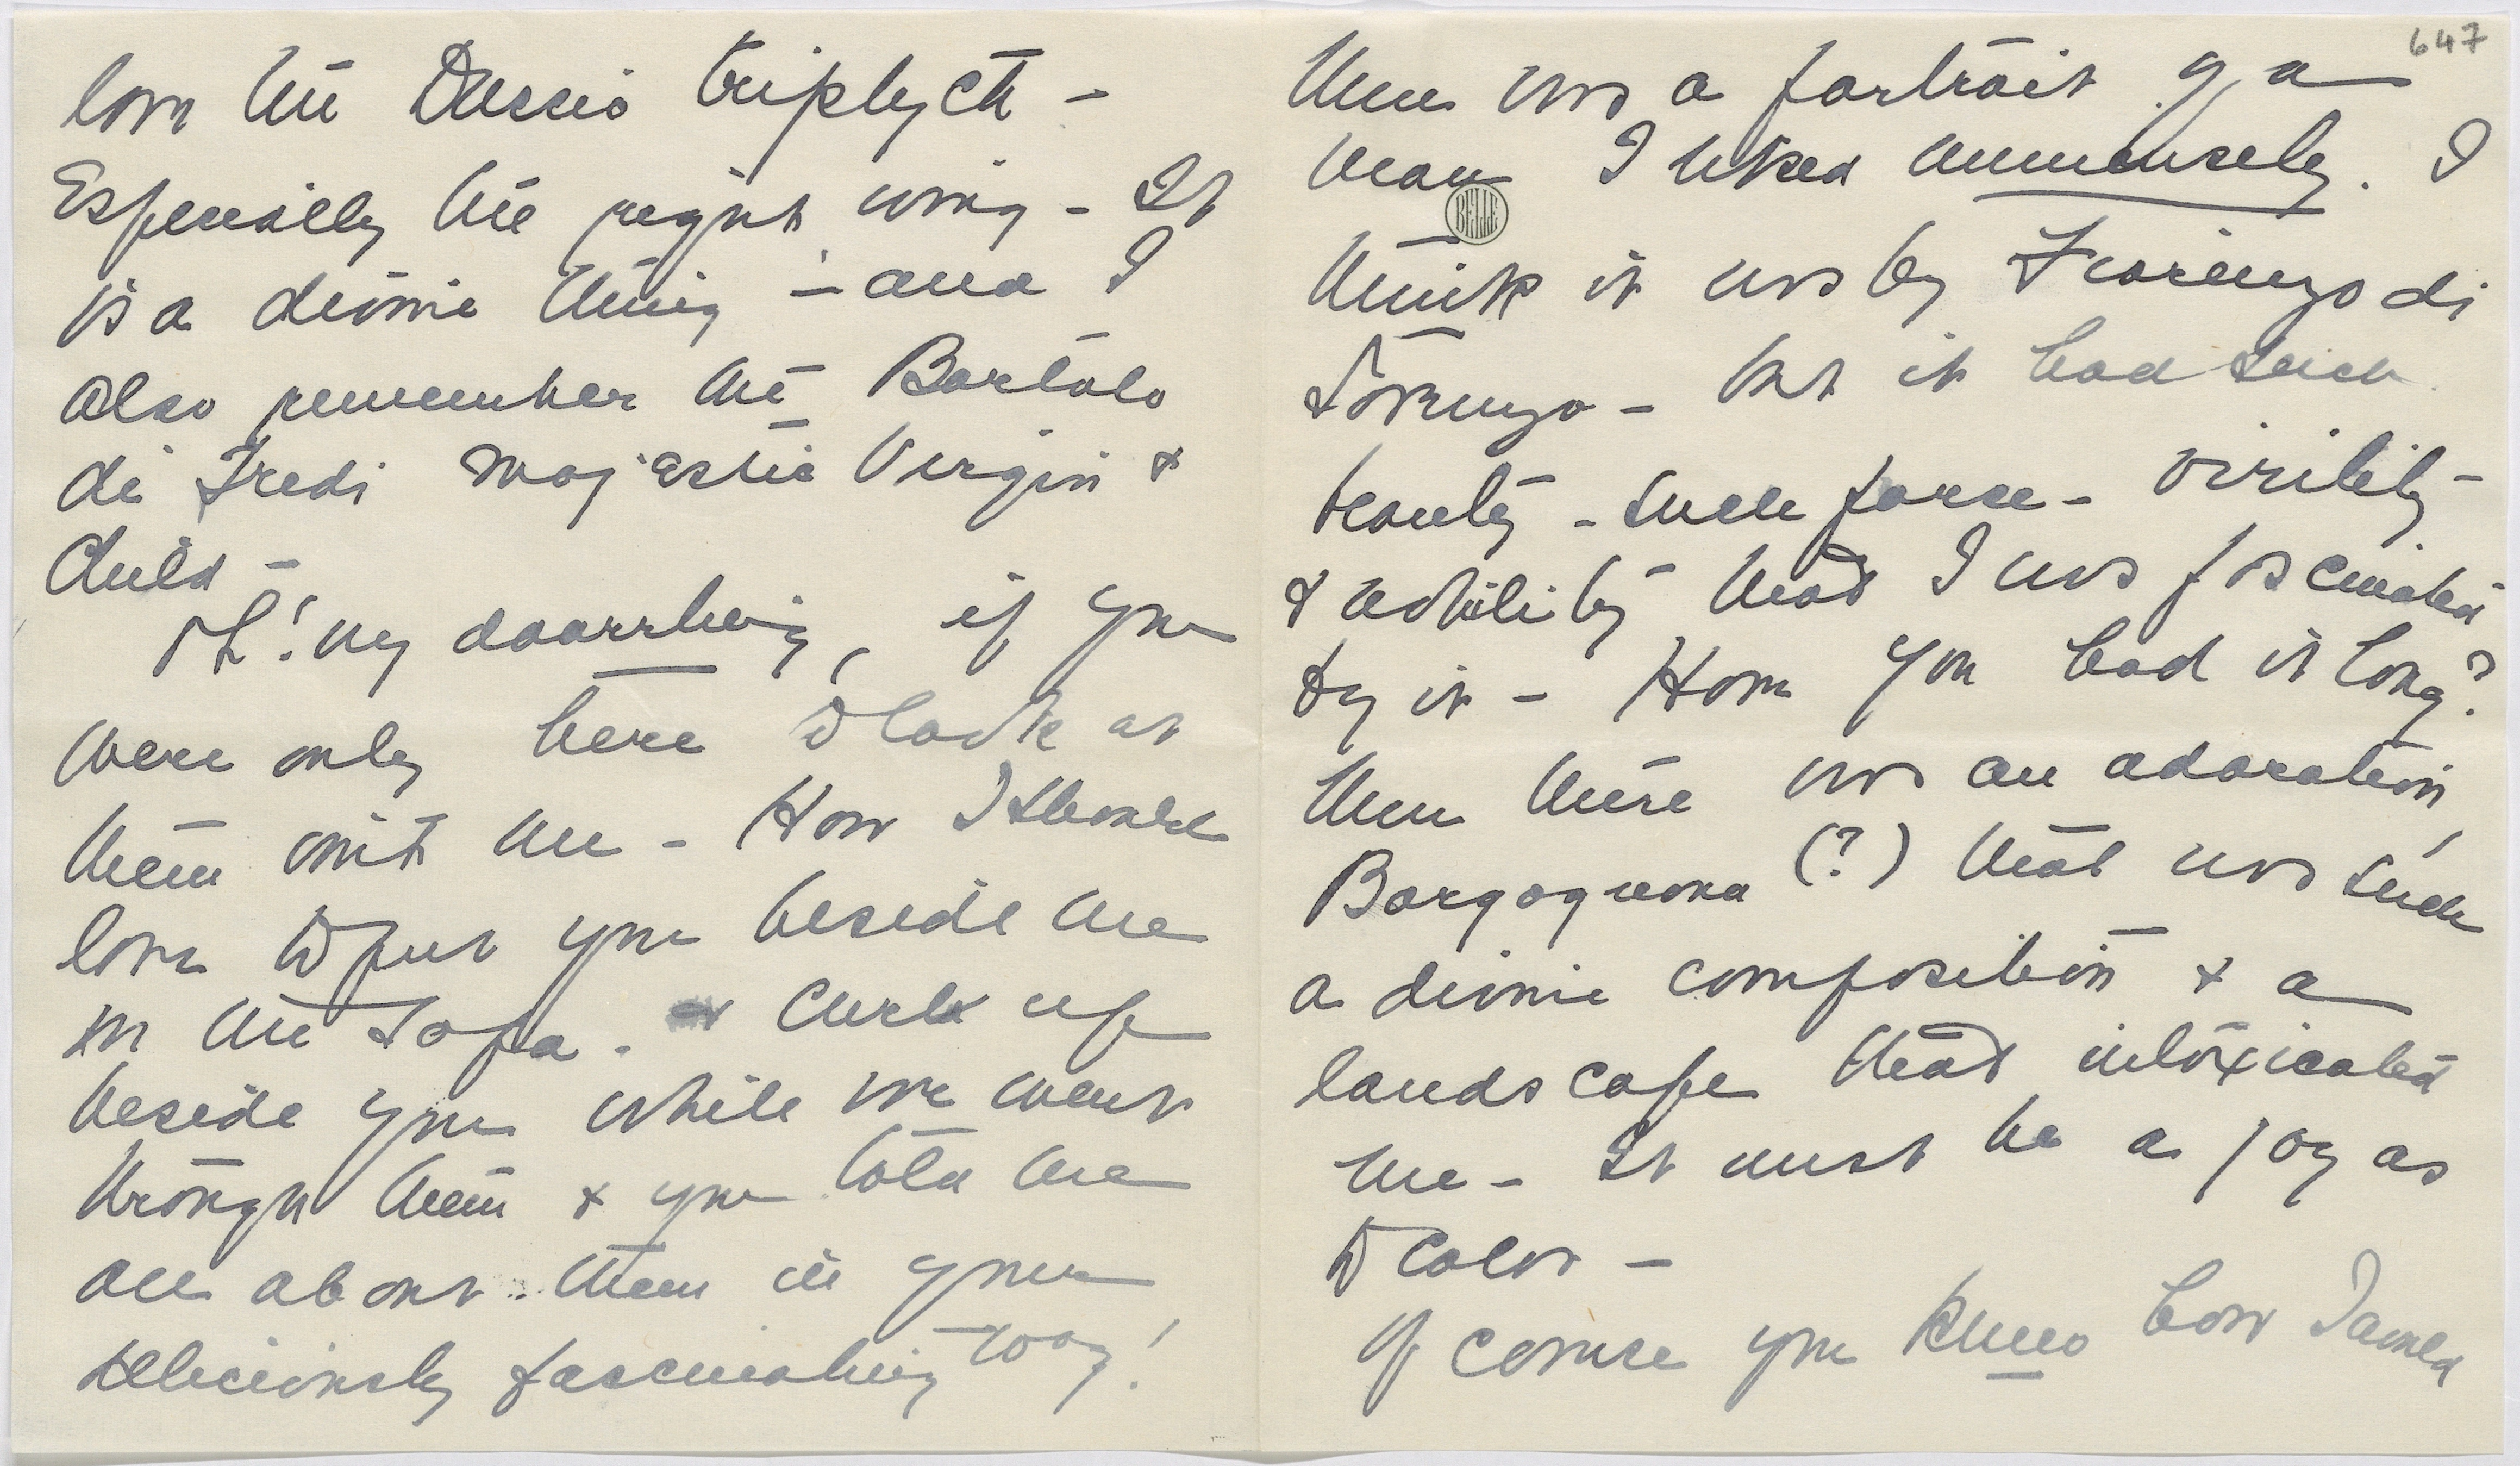There was a portrait of a man I liked immensely. I think it was by Fiorenzo di Lorenzo – but it had such beauty – such force – virility & nobility that I was fascinated by it – Have you had it long? Then there was an adoration, Borgognona (?) that was such a divine composition & a landscape that intoxicated me – It must be a joy as to color –
of course you knew how I would
love the Duccio triptych – especially the right wing – It is a divine thing – and I also remember the Bartolo di Fredi Majestic Virgin & Child –
oh! my daarrling, if you were only here to look at them with me – How I should love to put you beside me on the sofa. or curl up beside you while we went through them & you told me all about them in your deliciously fascinating way!